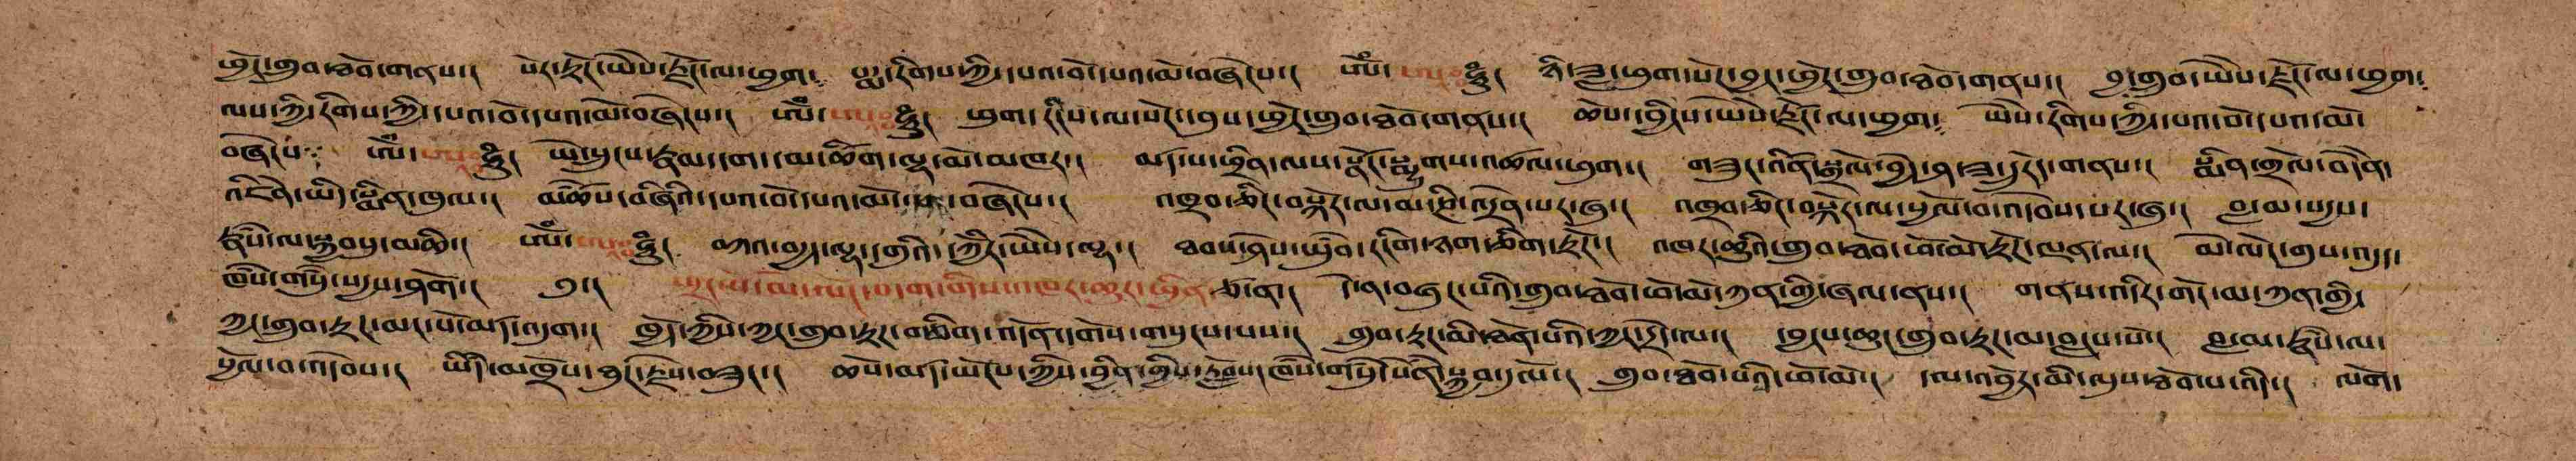ཕྱོགས་གྲུབ་ཐོབ་གནས། སོར་རྟོགས་ཡེ་ཤེས་རྫོང་ལ་ཕྱག་འཚལ་ལོ། པདྨ་རིགས་ཀྱི་དཔའ་བོ་དཔའ་མོ་བཞེངས། ཨོཾ་ཨཱཿཧཱུཾ། ཉི་ཟླ་ཕུག་སོགས་བྱང་ཕྱོགས་གྲུབ་ཐོབ་གནས། བྱ་གྲུབ་ཡེ་ཤེས་རྫོང་ལ་ཕྱག་
ལས་ཀྱི་རིགས་ཀྱི་དཔའ་བོ་དཔའ་མོ་བཞེངས། ཨོཾ་ཨཱཿཧཱུཾ། ཕུག་རིངས་ལ་སོགས་དབུས་ཕྱོགས་གྲུབ་ཐོབ་གནས། ཆོས་དབྱིངས་ཡེ་ཤེས་རྫོང་ལ་ཕྱག་འཚལ་ལོ། ཡེ་ཤེས་རིགས་ཀྱི་དཔའ་བོ་དཔའ་མོ་
བཞེངས༑ ཨོཾ་ཨཱཿ. ཧཱུཾ། ཡེ་སྲུངས་རྣམ་དག་དམ་ཚིག་ལྷ་མོ་མཁར། མཛད་པ་ཕྲིན་ལས་སྣ་ཚོགས་སྨྱུགས་འཚལ་ཕུག། གཟུང་འཛིན་སྒྲོལ་བྱེད་ཤ་ཟ་དུར་ཁྲོད་གནས། སྨིན་གྲོལ་བདེ་ཆེན་
འཇིག་རྟེན་ཡིད་སྨོན་ཁུལ། མཚམས་བཞིའི་དཔའ་བོ་དཔའ་མོ་ལ་བཞེངས། འཁྲབ་ཅིང་བསྐོར་ལ་མ་ཎི་འདྲེན་པར་ཞུ། འཁྲབ་ཅིང་བསྐོར་ལ་གསོལ་བ་འདེབས་པར་ཞུ། བླ་མ་སངས་རྒྱས་
རྣམས་ལ་སྐྱབས་སུ་མཆི། ཨོཾ་ཨཱཿཧཱུཾ། བཀའ་བརྒྱད་ལྷ་དགུའི་དཀྱིལ་འཁོར་ཡེ་ཤེས་ལྷ། ཐབས་ཤེས་ཡབ་ཡུམ་རང་རིག་ཉག་ཅིག་རྟོགས། མཁར་ཆུའི་གྲུབ་ཐོབ་ཕོ་མོ་རྟོགས་ལྡན་ལ། མེ་ལོང་གུས་འདུད་
ཁམས་གསུམ་སངས་རྒྱས་ཤོག༄་། སྤྲང་པོ་མེ་ལོང་བདག་གིས་འཁར་ཆུར་ཕྱིན་ཙ་ན། དེ་ན་བཞུགས་པའི་གྲུབ་ཐོབ་ཕོ་མོ་ཀུན་གྱིས་ཞལ་ནས། གནས་འདིར་གོར་མ་ཀུན་གྱི་
ཀྱང་གྲུབ་རྟགས་མང་པོ་མཛད་འདུག ཁྱོད་ཀྱིས་ཀྱང་གྲུབ་རྟགས་བརྩིག་འདོན་དགོས་གསུངས་པས། གྲུབ་རྟགས་མི་ཐོན་པའི་ཀྱང་དྲེད་ལ། དབྱངས་ཆུང་གྲུབ་རྟགས་མ་བླངས་སོ། བླ་མ་རྣམས་ལ་
གསོལ་བ་འདེབས། ཡི་དམ་མཁའ་འགྲོས་ཐགས་རྗེས་བཟུང་། ཆོས་མཛད་ཡོངས་ཀྱིས་བྱིན་གྱིས་རློབས། ཁམས་གསུམ་སེམས་ཅན་སྐྱབས་དུ་གསོལ། གྲུབ་ཐོབ་པའི་ཕོ་མོ་། དལ་འབྱོར་མི་ལུས་ཐོབ་པ་འདི། ལོག་